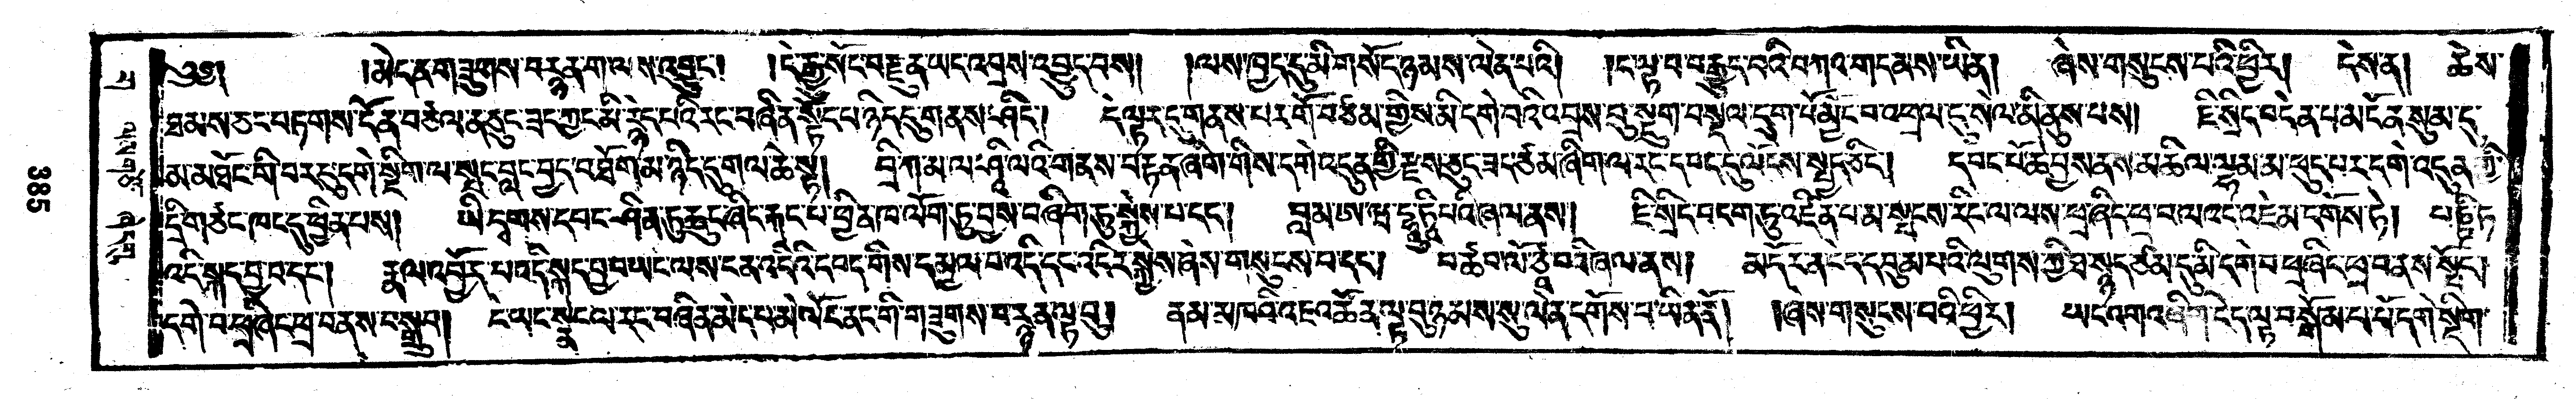༄༅། །མེད་ན་གཟུགས་བརྙན་ག་ལས་འབྱུང་། །དེ་རྒྱུ་སོང་བརྫུན་ཡང་འབྲས་འབྱུང་བས། །ལས་ཁྱད་དུ་མི་གསོད་ཉམས་ལེན་པའི། །ད་ལྟ་བ་བརྒྱུད་པའི་བཀའ་གདམས་ཡིན། ཞེས་གསུངས་པའི་ཕྱིར། དེས་ན། ཆེས་
ཐམས་ཅད་བཏགས་དོན་བཙལ་ན་ཅུང་ཟད་ཀྱང་མི་རྙེད་པའི་རང་བཞིན་སྟོང་པ་ཉིད་དུ་གནས་ཤིང་། དེ་ལྟར་དུ་གནས་པར་གོ་བ་ཙམ་གྱིས་མི་དགེ་བའི་འབྲས་བུ་སྡུག་བསྔལ་དྲུག་པོ་མྱོང་བ་འཕྲལ་དུ་སེལ་མི་ནུས་པས། ཇི་སྲིད་བདེན་པ་མངོན་སུམ་དུ་
མ་མཐོང་གི་བར་དུ་དགེ་སྡིག་ལ་སྤང་བླང་བྱད་པ་ཐོག་མ་ཉིད་དུ་གལ་ཆེ་སྟ། བྲི་ཀ་མ་ལ་ཤཱི་ལའི་གནས་བརྟན་ཞིག་གིས་དགེ་འདུན་གྱི་རྫས་ཅུང་ཟད་ཙམ་ཞིག་ལ་རང་དབང་དུ་ལོངས་སྤྱད་ཅིང་། དབང་པོ་ཆེ་བྱས་ནས་མཆིལ་ལྷམ་མ་ཕུང་བར་དགེ་འདུན་གྱི་
དྲི་གཙང་ཁང་དུ་ཕྱིན་པས། ཡི་དྭགས་དབང་ཤིན་ཏུ་ཆུང་ཞིང་རྐང་པ་ཕྱིན་ཁ་ལོག་ཏུ་བྱས་བ་ཞིག་ཏུ་སྐྱེས་པ་དང་། བླ་མ་ཨ་ཝ་དྷཱུ་ཏཱི་པའི་ཞལ་ནས། ཇི་སྲིད་བདག་ཏུ་འཛིན་པ་མ་སྤངས་རིང་ལ་ལས་ཕྲ་ཞིང་ཕྲ་བ་ལའང་འཇེམ་དགོས་ཏེ། པཎྜི་ཏ་
འདི་སྐད་བྱ་བ་དང་། རྣལ་འབྱོར་པ་འདི་སྐད་བྱ་བ་ཡང་ལས་ངན་ན་འདིའི་དབང་གིས་དམྱལ་བ་འདི་དང་འདིར་སྐྱེས་ཞེས་གསུངས་པ་དང་། བ་ཚབ་ལོ་ཙཱ་བའི་ཞལ་ནས། མདོར་ན་ངེད་དབུ་མ་པའི་ལུགས་ཀྱི་ཐ་སྙད་ཙམ་དུ་མི་དགེ་བ་བཞིན་ཕྲ་ཞིང་ཕྲ་བ་ནས་སྤོང་།
དགེ་བ་ཕྲ་ཞིང་ཕྲ་བ་ནས་བསྒྲུབ། དེ་ཡང་སྣང་ལ་རང་བཞིན་མེད་པ་མེ་ལོང་ནང་གི་གཟུགས་བརྙན་ལྟ་བུ། ནམ་མཁའི་འཇའ་ཚོན་ལྟ་བུ་ཉམས་སུ་ལེན་དགོས་པ་ཡིན་ནོ། །ཞེས་གསུངས་པའི་ཕྱིར། ཡང་འགའ་ཞིག་ངེད་ལྟ་བསྒོམ་པ་པོ་དགེ་སྡིག་